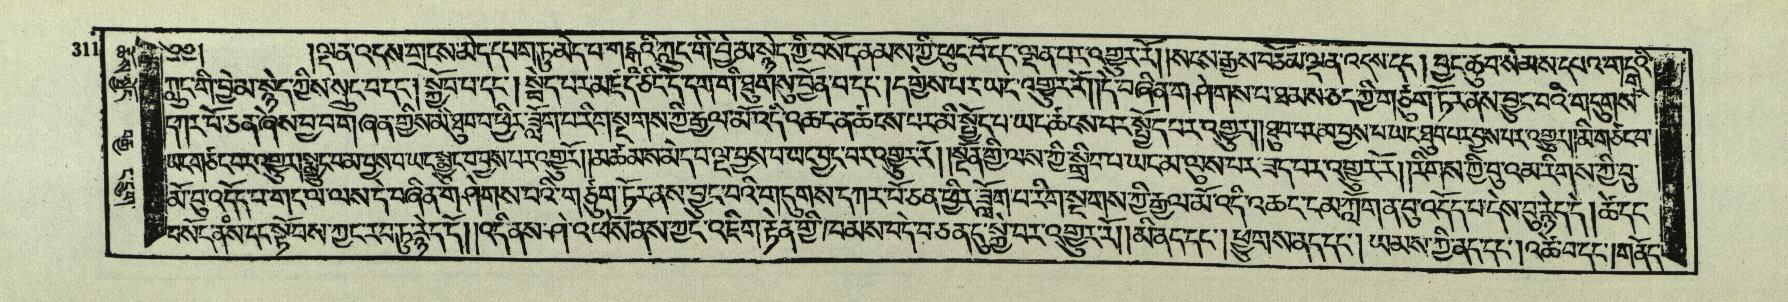༄༅། །ལྡན་འདས་གྲངས་མེད་དཔག་ཏུ་མེད་པ་གངྒའི་ཀླུང་གི་བྱེ་མ་སྙེད་ཀྱི་བསོད་ནམས་ཀྱི་ཕུང་བོ་དང་ལྡན་པར་འགྱུར་རོ། །སངས་རྒྱས་བཅོམ་ལྡན་འདས་དང་། བྱང་ཆུབ་སེམས་དཔའ་གངྒའི་
ཀླུང་གི་བྱེ་མ་སྙེད་ཀྱིས་སྲུང་བ་དང་། སྐྱོབ་པ་དང་། སྦེད་པར་མཛད་ཅིང་དེ་དག་གི་ཐུག་སུ་བྱོན་པ་དང་། དགྱེས་པར་ཡང་འགྱུར་རོ། །དེ་བཞིན་གཤེགས་པ་ཐམས་ཅད་ཀྱི་གཙུག་ཏོར་ནས་བྱུང་བའི་གདུགས་
དཀར་པོ་ཅན་ཞེས་བྱ་བ་གཞན་གྱིས་མི་ཐུབ་པ་ཕྱིར་ཟློག་པ་རིག་སྔགས་ཀྱི་རྒྱལ་མོ་འདི་འཆང་ན་ཚངས་པར་མི་སྤྱོད་པ་ཡང་ཚངས་པར་སྤྱོད་པར་འགྱུར། །ཐུབ་པར་མ་བྱས་པ་ཡང་ཐུབ་པར་བྱས་པར་འགྱུར། །མི་གཙང་བ་
ཡང་གཙང་བར་འགྱུར། སྨྱུང་བ་མ་བྱས་པ་ཡང་སྨྱུང་བ་བྱས་པར་འགྱུརོ། །མཚམས་མེད་པ་ལྔ་བྱས་པ་ཡང་བྱང་བར་འགྱུར་རོ། །སྔོན་གྱི་ལས་ཀྱི་སྒྲིབ་པ་ཡང་མ་ལུས་པར་ཟད་པར་འགྱུར་རོ། །རིགས་ཀྱི་བུ་འམ་རིགས་ཀྱི་བུ་
མོ་བུ་འདོད་པ་གང་ལ་ལས་དེ་བཞིན་གཤེགས་པའི་གཙུག་ཏོར་ནས་བྱུང་བའི་གདུགས་དཀར་པོ་ཅན་ཕྱིར་ཟློག་པ་རིག་སྔགས་ཀྱི་རྒྱལ་མོ་འདི་འཆང་ངམ་ཀློག་ན་བུ་འདོད་པ་དེས་བུ་རྙེད་དེ། ཚེ་དང་
བསོད་ནཾས་དང་སྟོབས་ཀྱང་རབ་ཏུ་རྙེད་དོ། །འདི་ནས་ཤེ་འཕོས་ནས་ཀྱང་འཇིག་རྟེན་གྱི་ཁམས་བདེ་བ་ཅན་དུ་སྐྱེ་བར་འགྱུར་རོ། །མི་ནད་དང་། ཕྱུགས་ནད་དང་། ཡམས་ཀྱི་ནད་དང་། འཚེ་བ་དང་། གནོད་